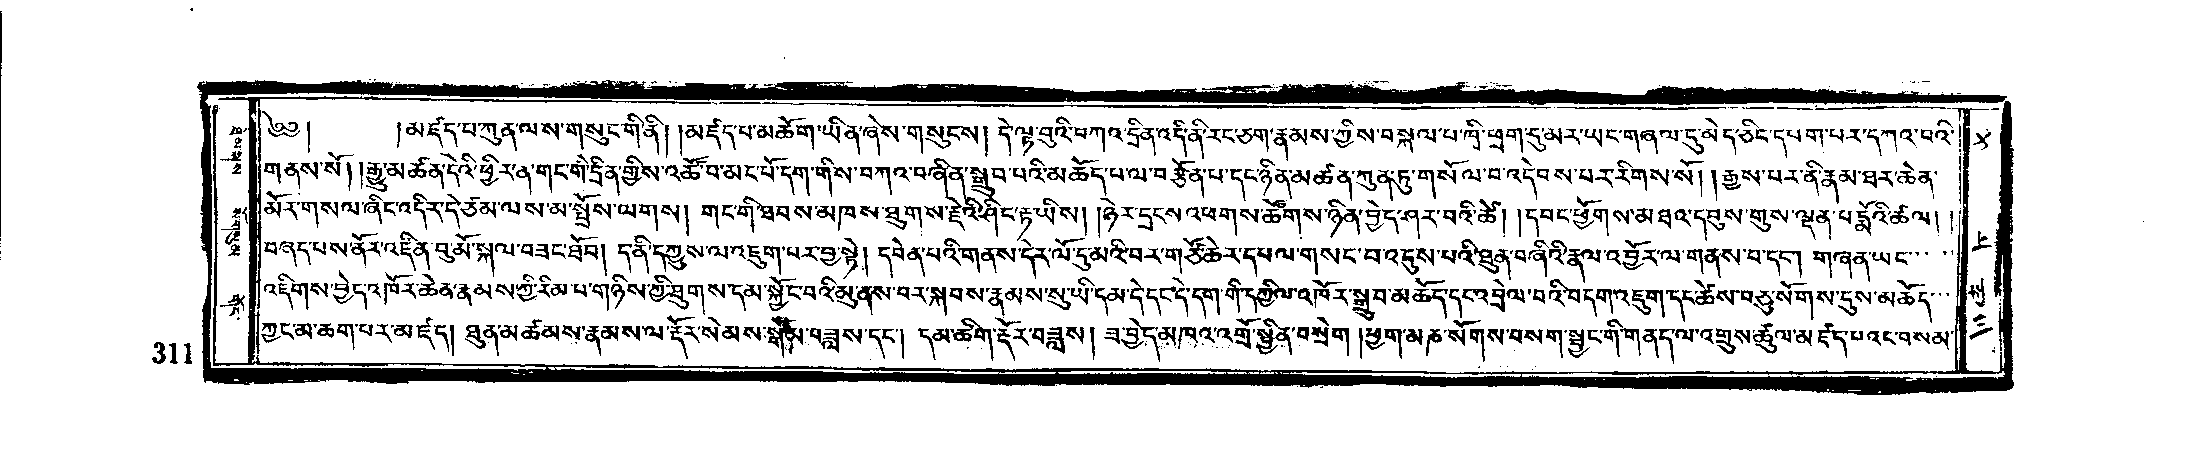༄༅། །མཛད་པ་ཀུན་ལས་གསུང་གི་ནི། །མཛད་པ་མཆོག་ཡིན་ཞེས་གསུངས། དེ་ལྟ་བུའི་བཀའ་དྲིན་འདི་ནི་རང་ཅག་རྣམས་ཀྱིས་བསྐལ་པ་ཁྲི་ཕྲག་དུ་མར་ཡང་གཞལ་དུ་མེད་ཅིང་དཔག་པར་དཀའ་བའི་
གནས་སོ། །རྒྱུ་མཚན་དེའི་ཕྱིར་ན་གང་གི་དྲིན་གྱིས་འཚོ་བ་མང་པོ་དག་གིས་བཀའ་བཞིན་སྒྲུབ་པའི་མཆོད་པ་ལ་བརྩོན་པ་དང་ཉིན་མཚན་ཀུན་ཏུ་གསོལ་བ་འདེབས་པར་རིགས་སོ། །རྒྱས་པར་ནི་རྣམ་ཐར་ཆེན་
མོར་གསལ་ཞིང་འདིར་དེ་ཙམ་ལས་མ་སྤྲོས་ལགས། གང་གི་ཐབས་མཁས་ཐུགས་རྗེའི་ཤིང་རྟ་ཡིས། །ཉེར་དྲངས་འཕགས་ཚོགས་ཉིན་བྱེད་ཤར་བའི་ཚེ། །དབང་ཕྱོགས་མཐའ་དབུས་གུས་ལྡན་པདམོའི་ཚལ། །
བཞད་པས་ནོར་འཛིན་བུ་མོ་སྐལ་བཟང་ཐོབ། ད་ནི་དཀྱུས་ལ་འཇུག་པར་བྱ་སྟེ། དབེན་པའི་གནས་དེར་ལོ་དུ་མའི་བར་གཙོ་ཆེར་དཔལ་གསང་བ་འདུས་པའི་ཐུན་བཞིའི་རྣལ་འབྱོར་ལ་གནས་པ་དང་། གཞན་ཡང་
འཇིགས་བྱེད་འཁོར་ཆེན་རྣམས་ཀྱི་རིམ་པ་གཉིས་ཀྱི་ཐུགས་དམ་སྐྱོང་བའི་མུ་ནས་བར་སྐབས་རྣམས་སུ་ཡི་དམ་དེ་དང་དེ་དག་གི་དཀྱིལ་འཁོར་སྒྲུབ་མཆོད་དང་འབྲེལ་བའི་བདག་འཇུག་དང་ཚེས་བཅུ་སོགས་དུས་མཆོད་
ཀྱང་མ་ཆག་པར་མཛད། ཐུན་མཚམས་རྣམས་ལ་རྡོར་སེམས་སྒོམ་བཟླས་དང་། དམ་ཚིག་རྡོར་བཟླས། ཟ་བྱེད་མཁའ་འགྲོ་སྦྱིན་བསྲེག །ཕྱག་མཎ་སོགས་བསག་སྦྱང་གི་གནད་ལ་འགྲུས་ཚུལ་མཛད་པའང་བསམ་